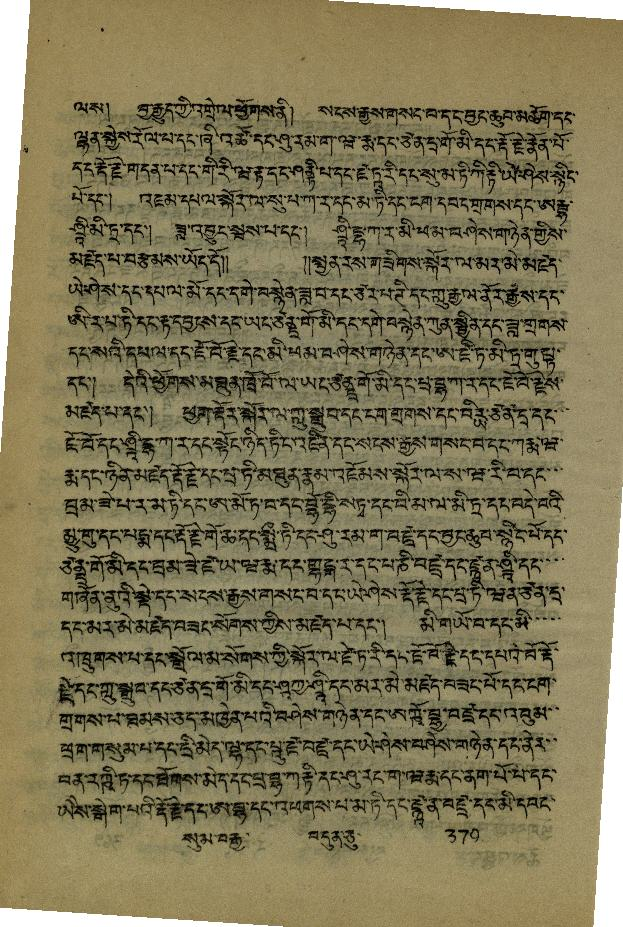ལས། བྱ་རྒྱུད་ཀྱི་འགྲེལ་ཕྱོགས་ནི། སངས་རྒྱས་གསང་བ་དང་བྱང་ཆུབ་མཆོག་དང་
ལྷན་སྐྱེས་རོལ་བ་དང་ཞི་འཚོ་དང་ཤུ་རམ་ག་ཝ་རྨ་དང་ཏན་དྲ་གོ་མི་དང་རྡོ་རྗེ་རྣོན་པོ་
དང་རྡོ་རྗེ་གདན་པ་དང་གི་རི་ཝརྟ་དང་ཤནྟི་པ་དང་ཛ་ཏཱ་ཏི་དང་སུ་མ་ཏི་ཀི་རྟི་ཡེ་ཤེས་སྙིང་
པོ་དང་། འཇམ་དཔལ་སྐོར་ལ་སུ་པ་ཀ་ར་དང་མ་ཏི་དང་ངག་དབང་གྲགས་དང་ཨརྦྷ་
ཥྲཱི་མི་ཏྲ་དང་། ཟླ་འབྱུང་སྦས་པ་དང་། ཤྲཱི་དྷ་ཀ་ར་མི་ཕ་མ་བཤེས་གཉེན་གྱིས་
མཛད་པ་བརྩམས་ཡོད་དོ།། །།སྤྱན་རས་གཟིགས་སྐོར་ལ་མར་མེ་མཛད་
ཡེ་ཤེས་དང་དཔལ་མོ་དང་དགེ་བསྙེན་ཟླ་བ་དང་ཙར་པ་ཊི་དང་ཀླུ་རྒྱལ་ནོར་རྒྱས་དང་
ཨི་ར་པ་ཏི་དང་རྟ་དབྱངས་དང་ཡང་ཙནྡྲ་གོ་མི་དང་དགེ་བསྙེན་ཀུན་སྦྱིན་དང་ཟླ་གྲགས་
དང་སའི་དཔལ་དང་ཇོ་བོ་རྗེ་དང་མི་ཕམ་བཤེས་གཉེན་དང་ཨ་ཛི་ཏ་མི་ཏྲ་གུཔྟ་
དང་། དེའི་ཕྱོགས་མཐུན་ཁྲོ་བོ་ལ་ཡང་ཙནྡྲ་གོ་མི་དང་པྲ་བྷ་ཀ་ར་དང་ཇོ་བོ་རྗེས་
མཛད་པ་དང་། ཕྱག་རྡོར་སྐོར་ལ་ཀླུ་སྒྲུབ་དང་ངག་གྲགས་དང་བིརྱ་ཙན་དྲ་དང་
ཇོ་བོ་དང་ཤྲཱི་དྷ་ཀ་ར་དང་སྟོང་ཉིད་ཏིང་འཛིན་དང་སངས་རྒྱས་གསང་བ་དང་ཀརྨ་ཝ་
རྨ་དང་ཉིན་མཛད་རྡོ་རྗེ་དང་པྲ་ཏི་མཐུན་རྣམ་འཇོམས་སྐོར་ལས་ཝ་རི་བ་དང་
བྲམ་ཟེ་པ་ར་མ་ཏི་དང་ཨ་མོ་ཏ་བ་དང་བྷོ་དྷི་སཏྭ་དང་མི་མ་ལ་མི་ཏྲ་དང་བདེ་པའི་
མྱུ་གུ་དང་པདམ་དང་རྡོ་རྗེ་གོ་ཆ་དང་སྨིཨྀ་ཏི་དང་ཤུ་རམ་ག་བཛྲ་དང་བྱང་ཆུབ་སྙིང་བོ་དང་
ཙནྡྲ་གོ་མི་དང་བྲམ་ཟེ་ཛ་ཡ་ཝརྨ་དང་གྷངྒ་ར་དང་པ་ཎི་བཛྲ་དང་ཛྙཱ་ན་ཤྲཱི་དང་
གཞོན་ནུའི་སྡེ་དང་སངས་རྒྱས་གསང་བ་དང་ཡེ་ཤེས་རྡོ་རྗེ་དང་པྲ་ཏི་ཝན་ཙན་དྲ་
དང་མར་མེ་མཛད་བཟང་སོགས་ཀྱིས་མཛད་པ་དང་། མི་གཡོ་བ་དང་མི་
འཁྲུགས་པ་དང་སྒྲོལ་མ་སོགས་ཀྱི་སྐོར་ལ་རྗེ་ཏ་རི་དང་ཇོ་བོ་རྗེ་དང་དཔའི་བོ་རྡོ་
རྗེ་དང་ཀླུ་སྒྲུབ་དང་ཙན་དྲ་གོ་མི་དང་ཤཱཀྱ་ཤྲཱི་དང་མར་མེ་མཛད་བཟང་པོ་དང་ངག་
གྲགས་པ་ཐམས་ཅད་མཁྱེན་པའི་བཤེས་གཉེན་དང་ཨཀྵོ་བྷྱ་བཛྲ་དང་འབུམ་
ཕྲག་གསུམ་པ་དང་དྲི་མེད་ལྷ་དང་པཱུ་ཛ་བཛྲ་དང་ཡེ་ཤེས་བཤེས་གཉེན་དང་ནེར་
བན་རཀྵི་ཏ་དང་ཐོགས་མེད་དང་པྲ་བྷ་ཀརྟི་དང་ཞུ་རང་ག་ཝ་རྨ་དང་ནག་པོ་པ་དང་
ཡཻས་སྒེག་པའི་རྡོ་རྗེ་དང་ཨ་བྷ་དང་འཕགས་པ་མ་ཏི་དང་ཛྙཱ་ན་བཛྲ་དང་མི་དབང་